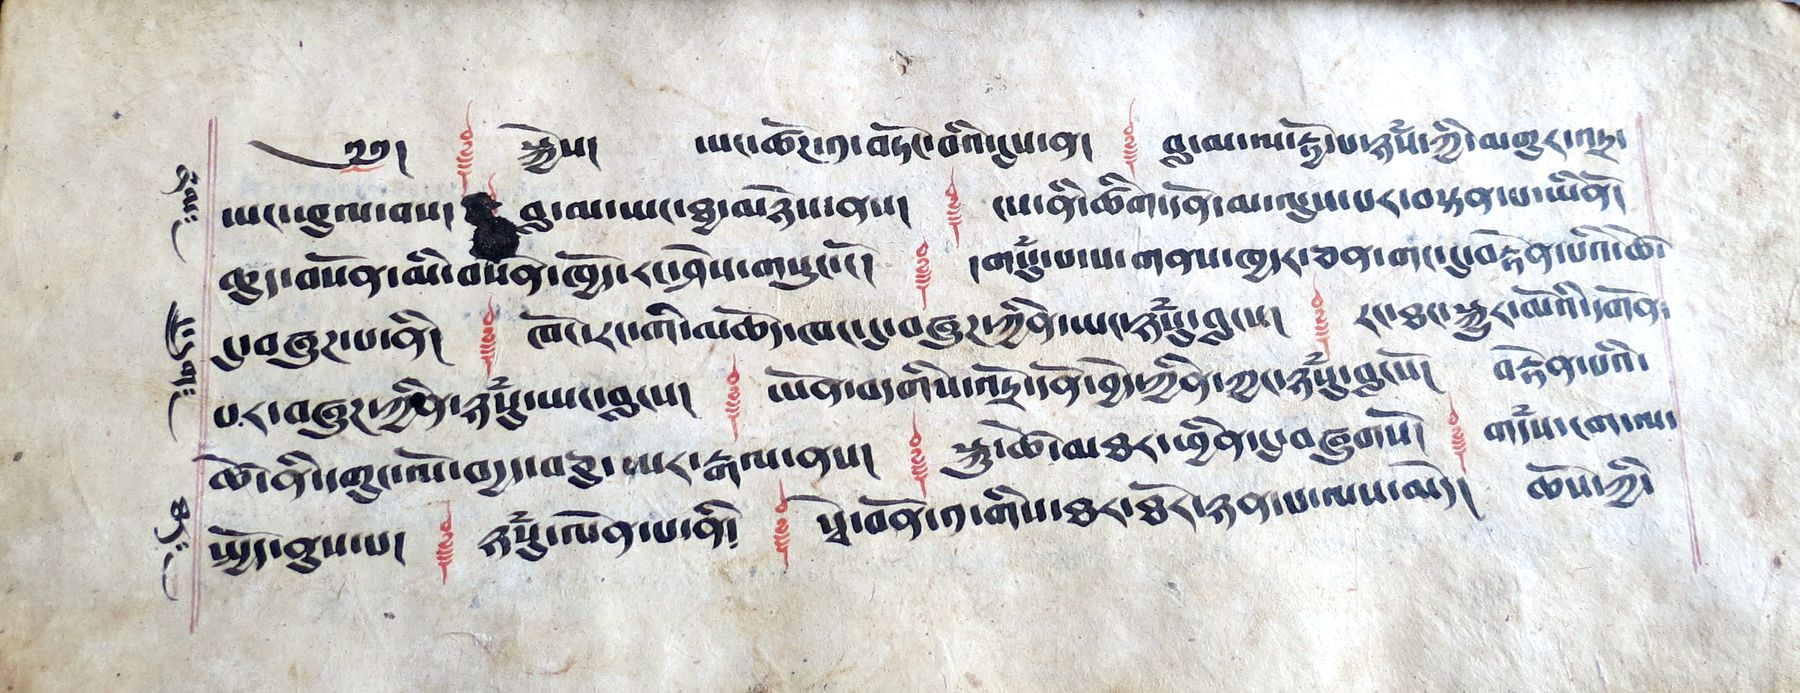སྐྱེས། ཡང་ཚོགས་ཤིག་བཏང་བའི་དུས་ན། བླ་མ་ལ་རྟོགས་པ་ཉམས་ཀྱི་མགུར་འདྲ་
ཡང་ཕུལ་བས། བླ་མ་ཡང་ཐུགས་མཉེས་ནས། ངས་ནི་ཚིག་དོན་མ་ལུས་པར་བསྟན་པ་ཡིན་ནོ། ། 
ཆུད་གསན་ནམ་མི་གསན་ཁྱོད་རང་ཤེས་གསུངས་སོ། གསུམ་པ་ས་གནས་ཁྱད་པར་ཅན་གང་དུ་བརྟེན་པའི་ཚེ་
དུ་བཞུགས་པ་ནི། ཁོང་རང་གི་མཆོད་ཁང་དུ་བཞུགས་ཀྱིན་ཡང་ཉམས་སུ་བླངས། རང་ཐང་སྐྱུར་མོའི་དགོན་
པར་བཞུགས་ཀྱིན་ཉམས་སུ་ཡང་བླངས། ཡོན་བདག་གི་འགྲོ་དོན་བྱེད་ཀྱིན་ཡང་ཉམས་སུ་བླངས་སོ། ། བརྟེན་པའི་
ཚེ་ནི་དགུང་ལོ་བརྒྱད་ཅུ་ཡར་བརྒལ་ནས། སྐུ་ཚེ་མཐར་ཕྱིན་དུ་བཞུགས་སོ། ། གདམས་ངག་ལ་
སྤྱོད་ནུས་པ། ཉམས་སུ་ལེན་པ་ནི་སྭེ་བོན་ཞིག་གིས་ཐར་ཐོར་འདྲ་ཉན་པ་ལས་མེད། ཆོས་ཀྱི་